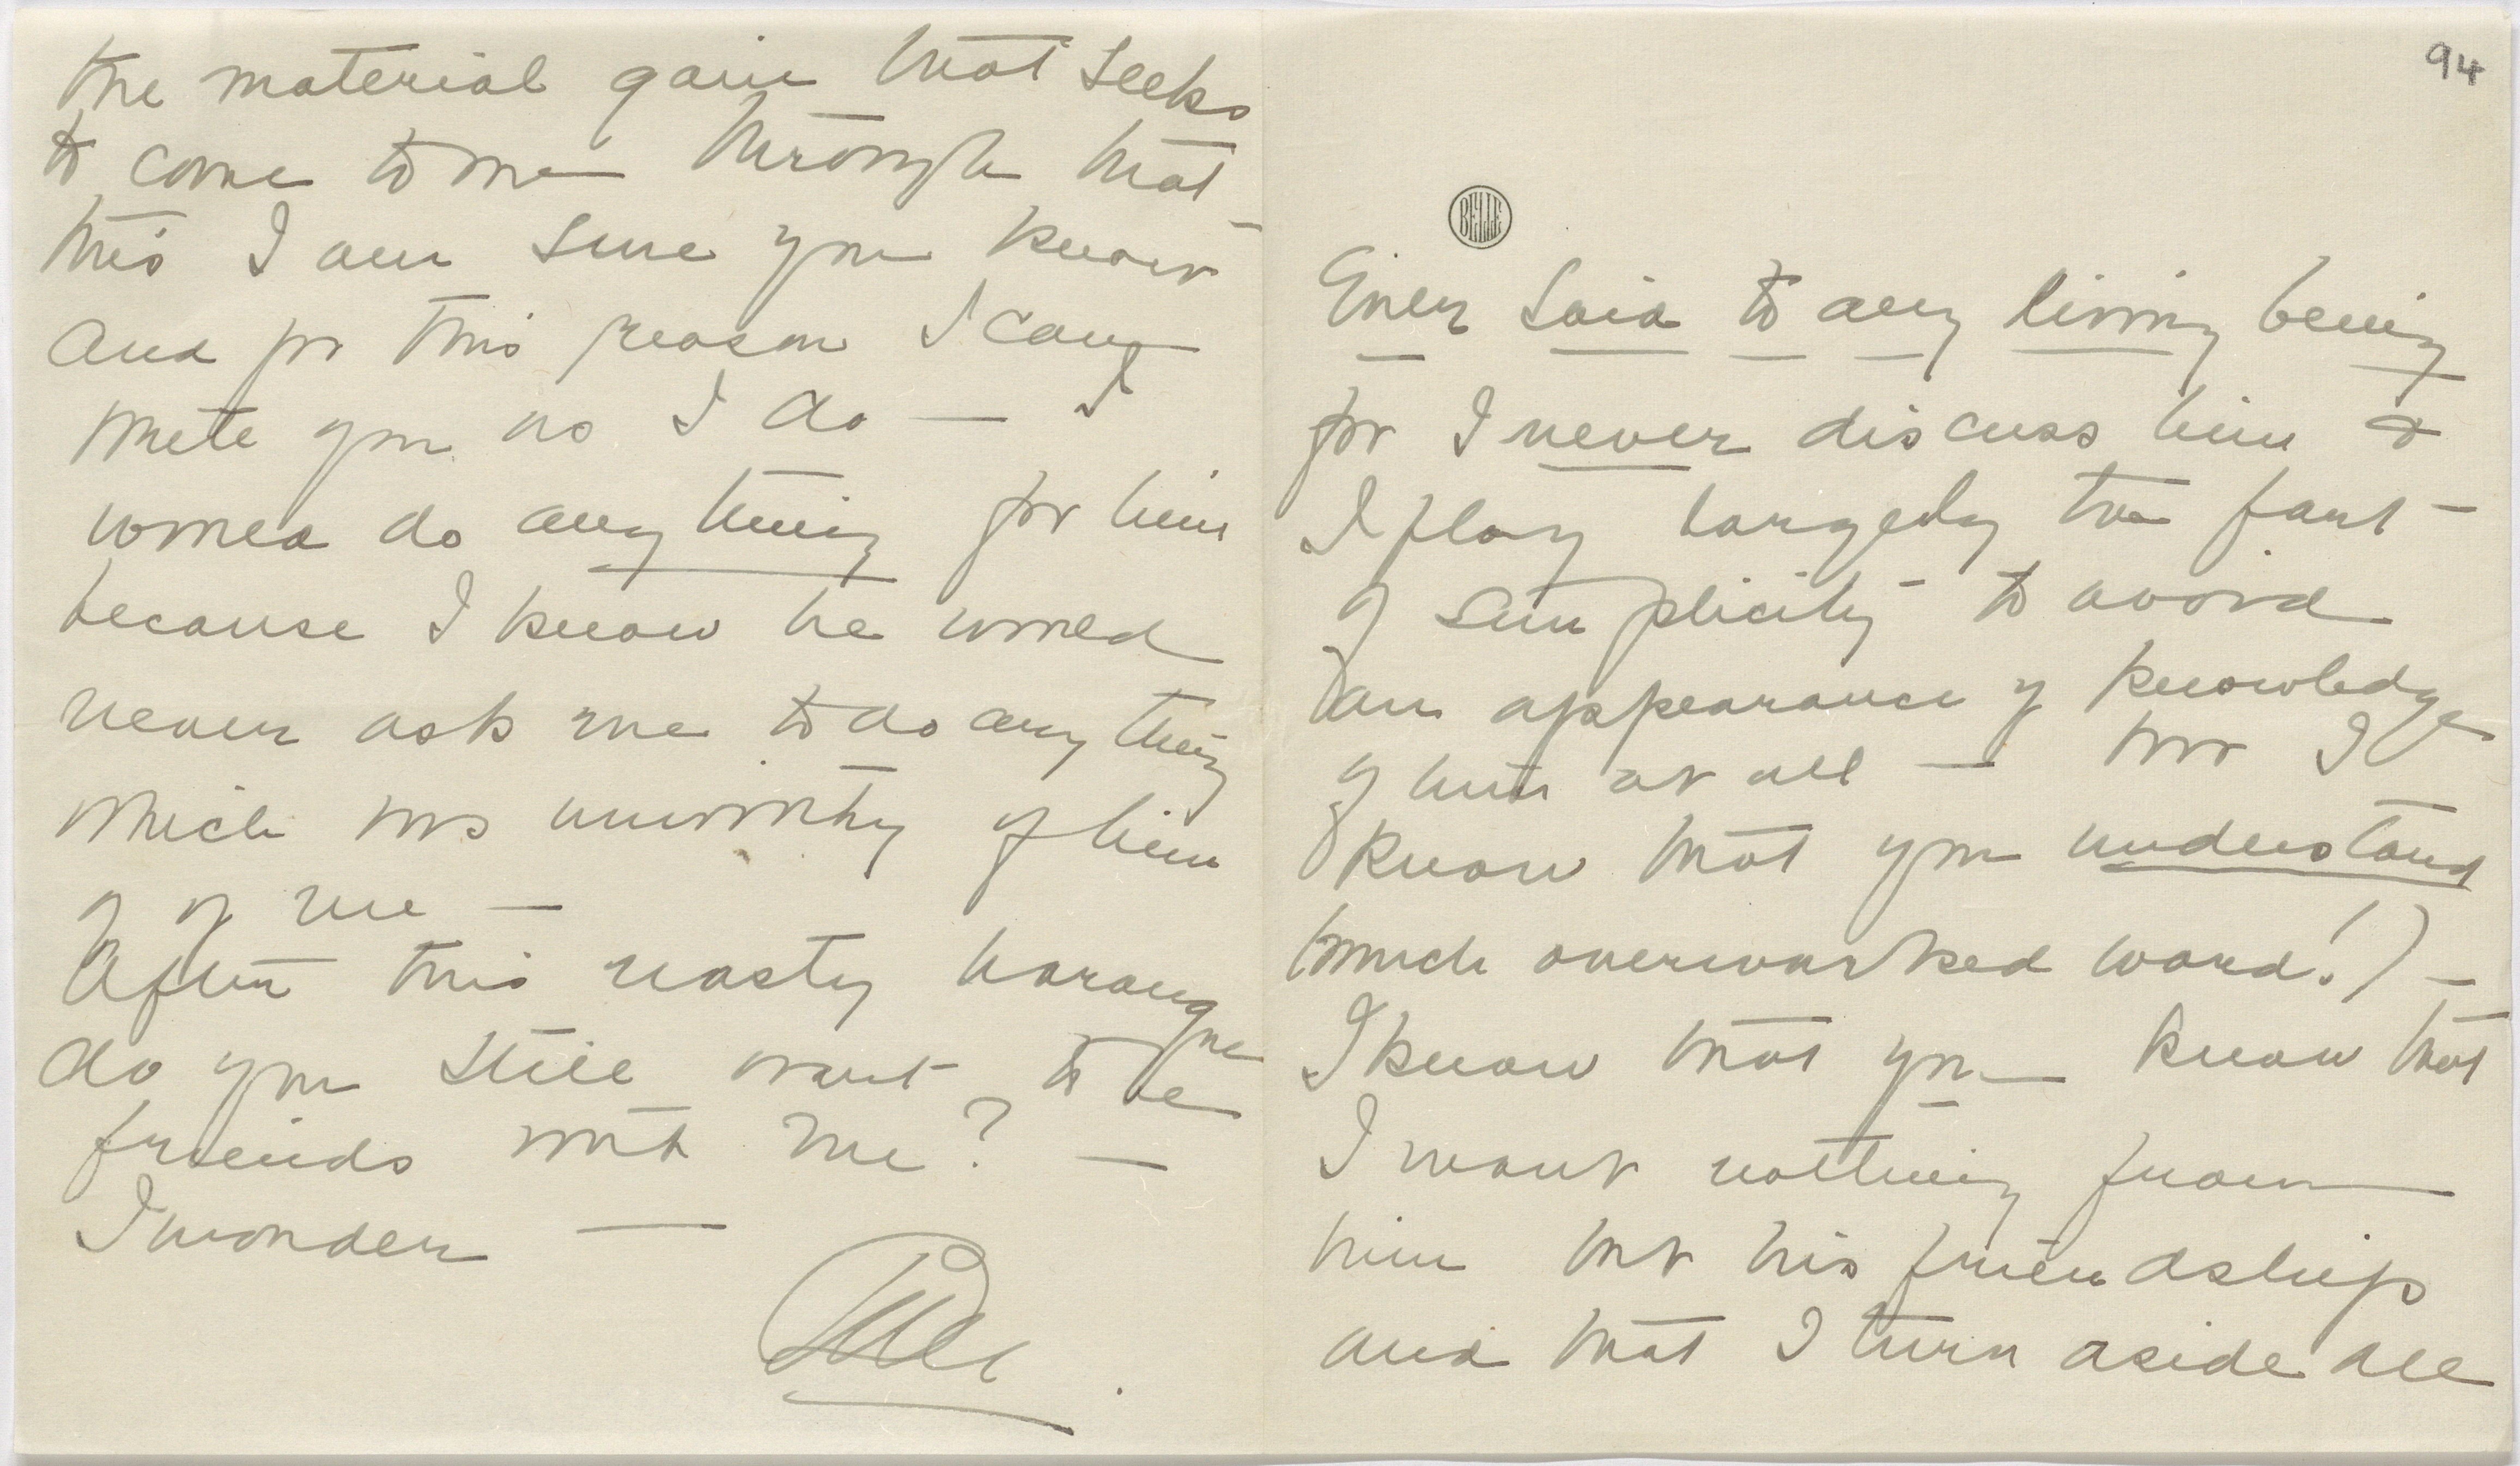ever said to any living being for I never discuss him & I play largely the part of simplicity to avoid an appearance of knowledge of him at all – but I know that you understand (much overworked word!) – I know that you – know that I want nothing from him but his friendship and that I turn aside all
the material gain that seeks to come to me through that – this I am sure you know and for this reason I can write you as I do – I would do any thing for him because I know he would never ask me to do any thing which was unworthy of him or of me –
After this nasty harangue do you still want to be friends with me? –
I wonder –
Belle.